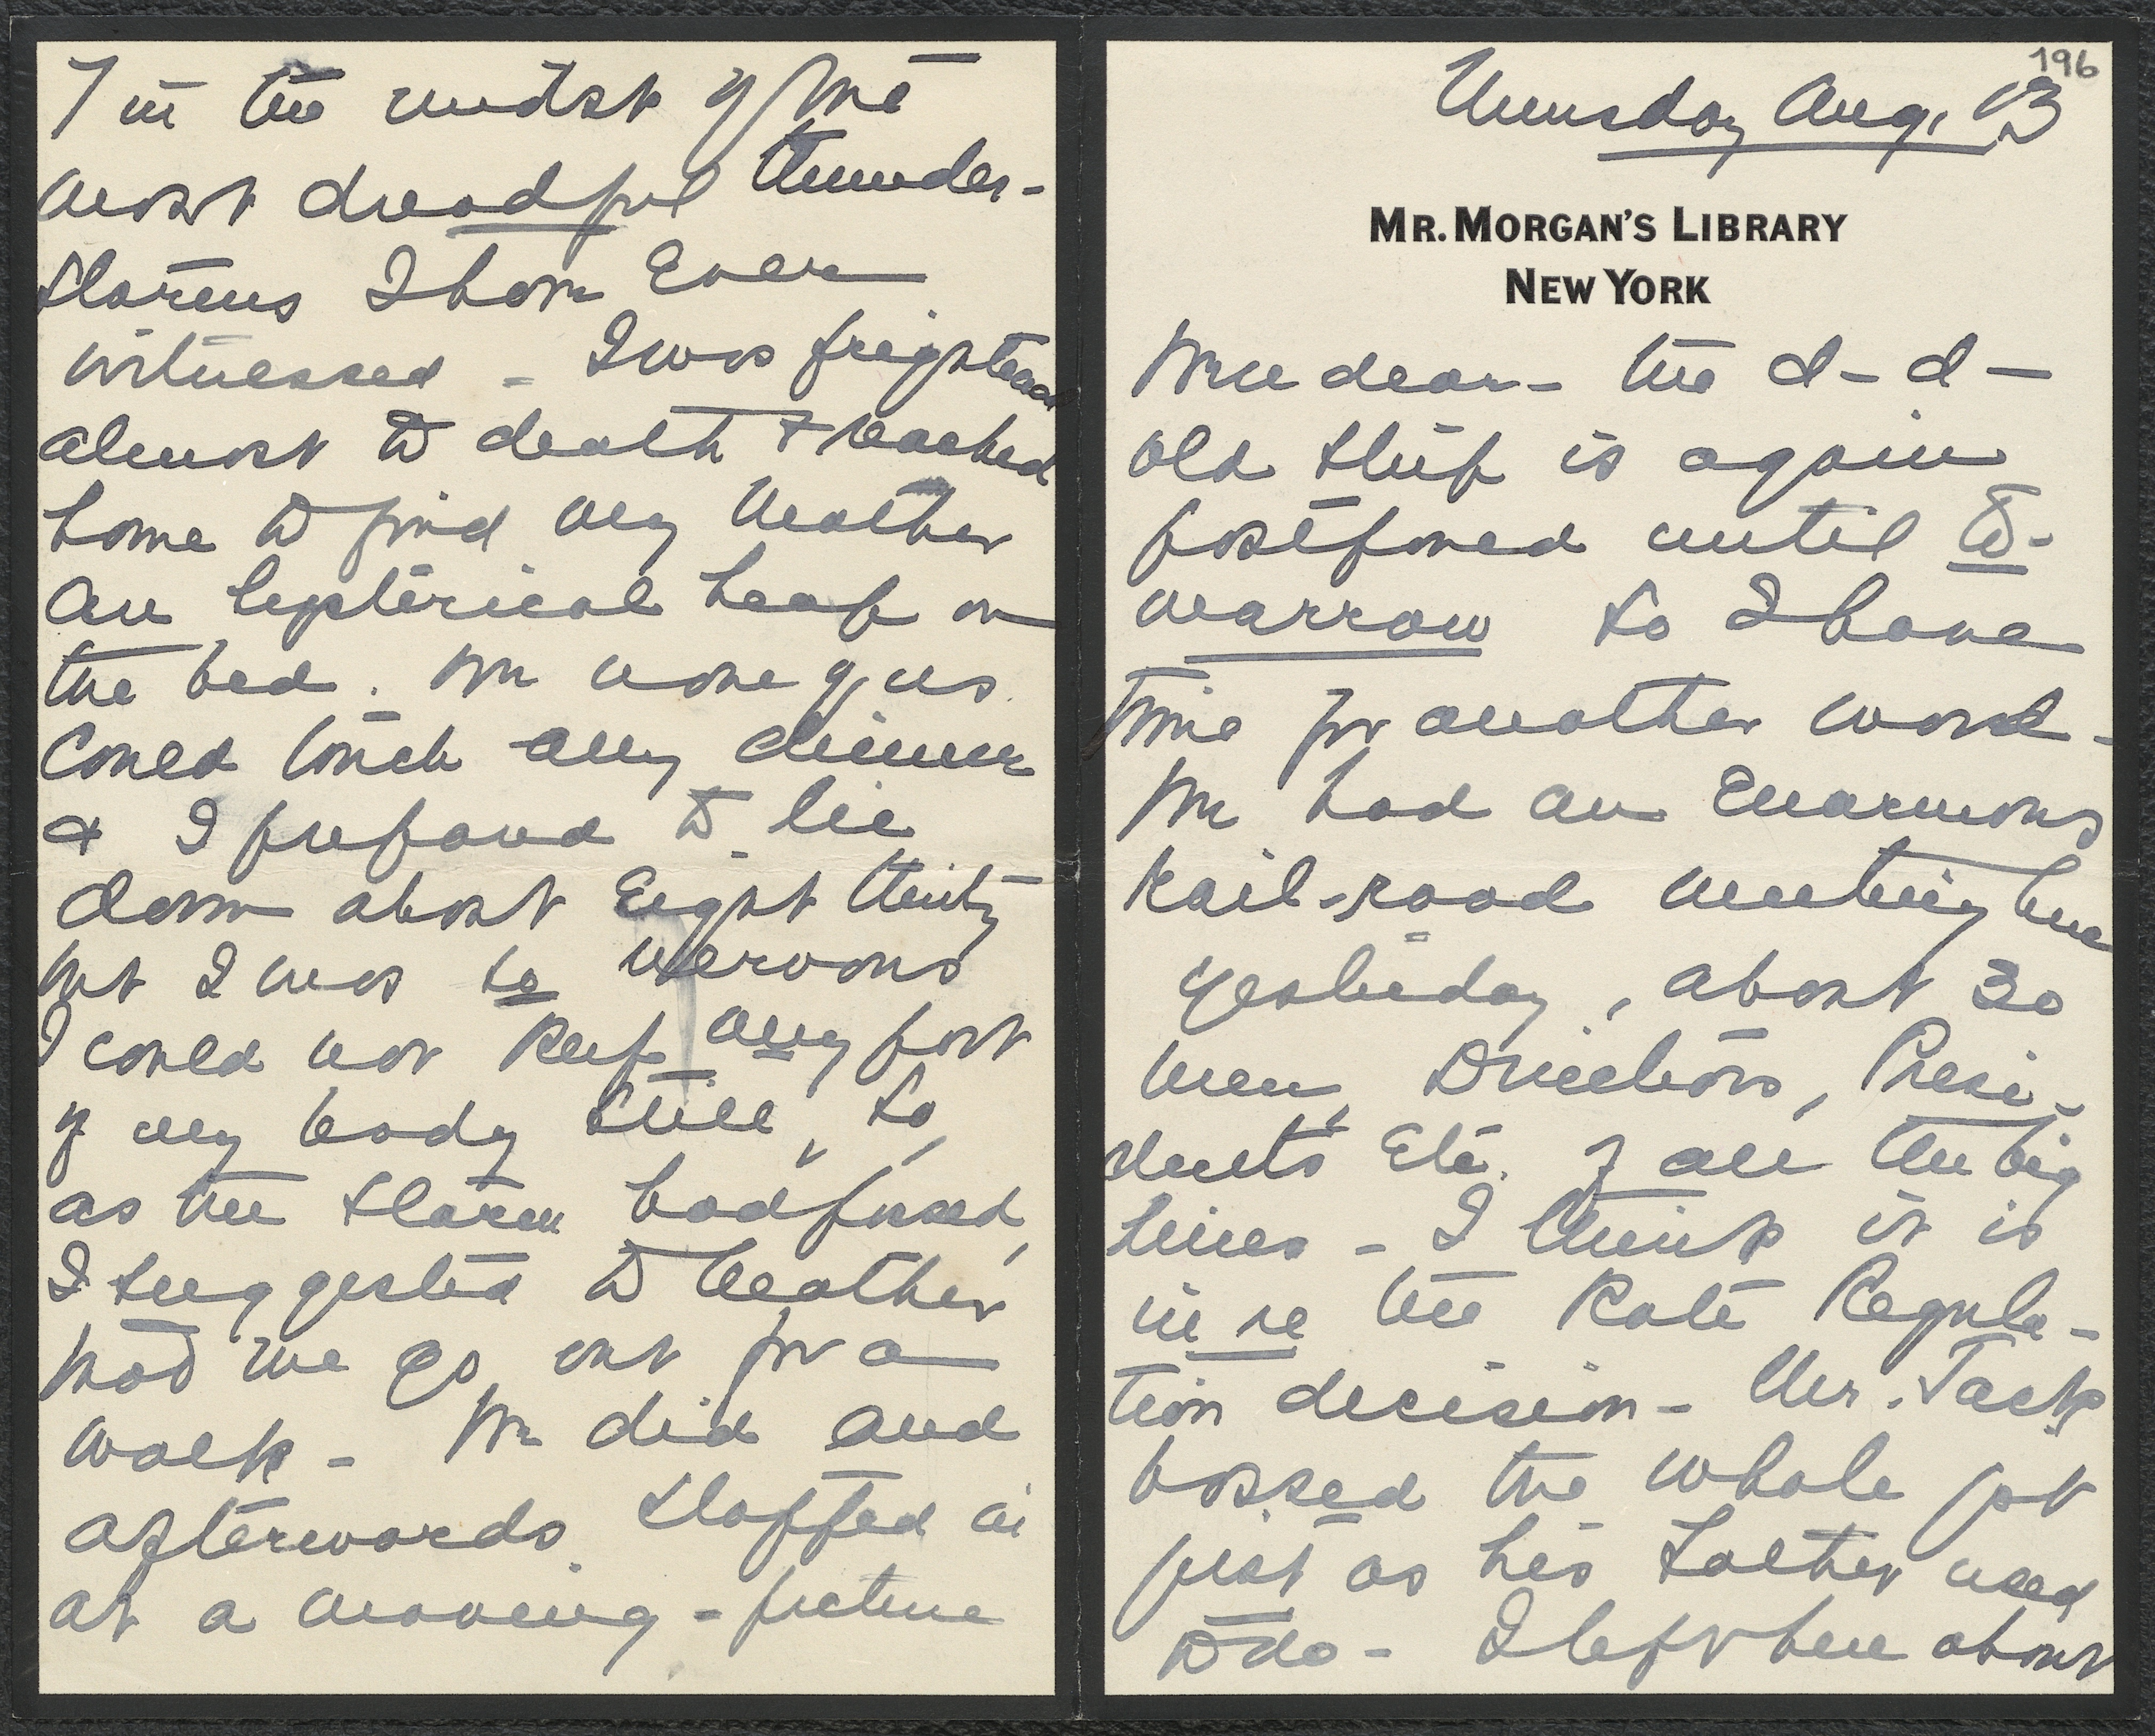Thursday, Aug. 3
Well dear – the d—d – old ship is again postponed until tomorrow so I have time for another word –
We had an enormous rail-road meeting here yesterday, about 30 new Directors, Presidents etc. of all the big lines – I think it is in re the Rate Regulation decision – Mr. Jack bossed the whole job just as his Father used to do – I left here about
7 in the midst of the most dreadful thunderstorms I have ever witnessed – I was frightened almost to death & reached home to find my Mother an hysterical heap on the bed. We none of us could touch any dinner & I proposed to lie down about eight thirty but I was so nervous I could not keep any part of my body still so as the storm had passed, I suggested to Mother that we go out for a walk – We did and afterwards stopped in at a moving-picture